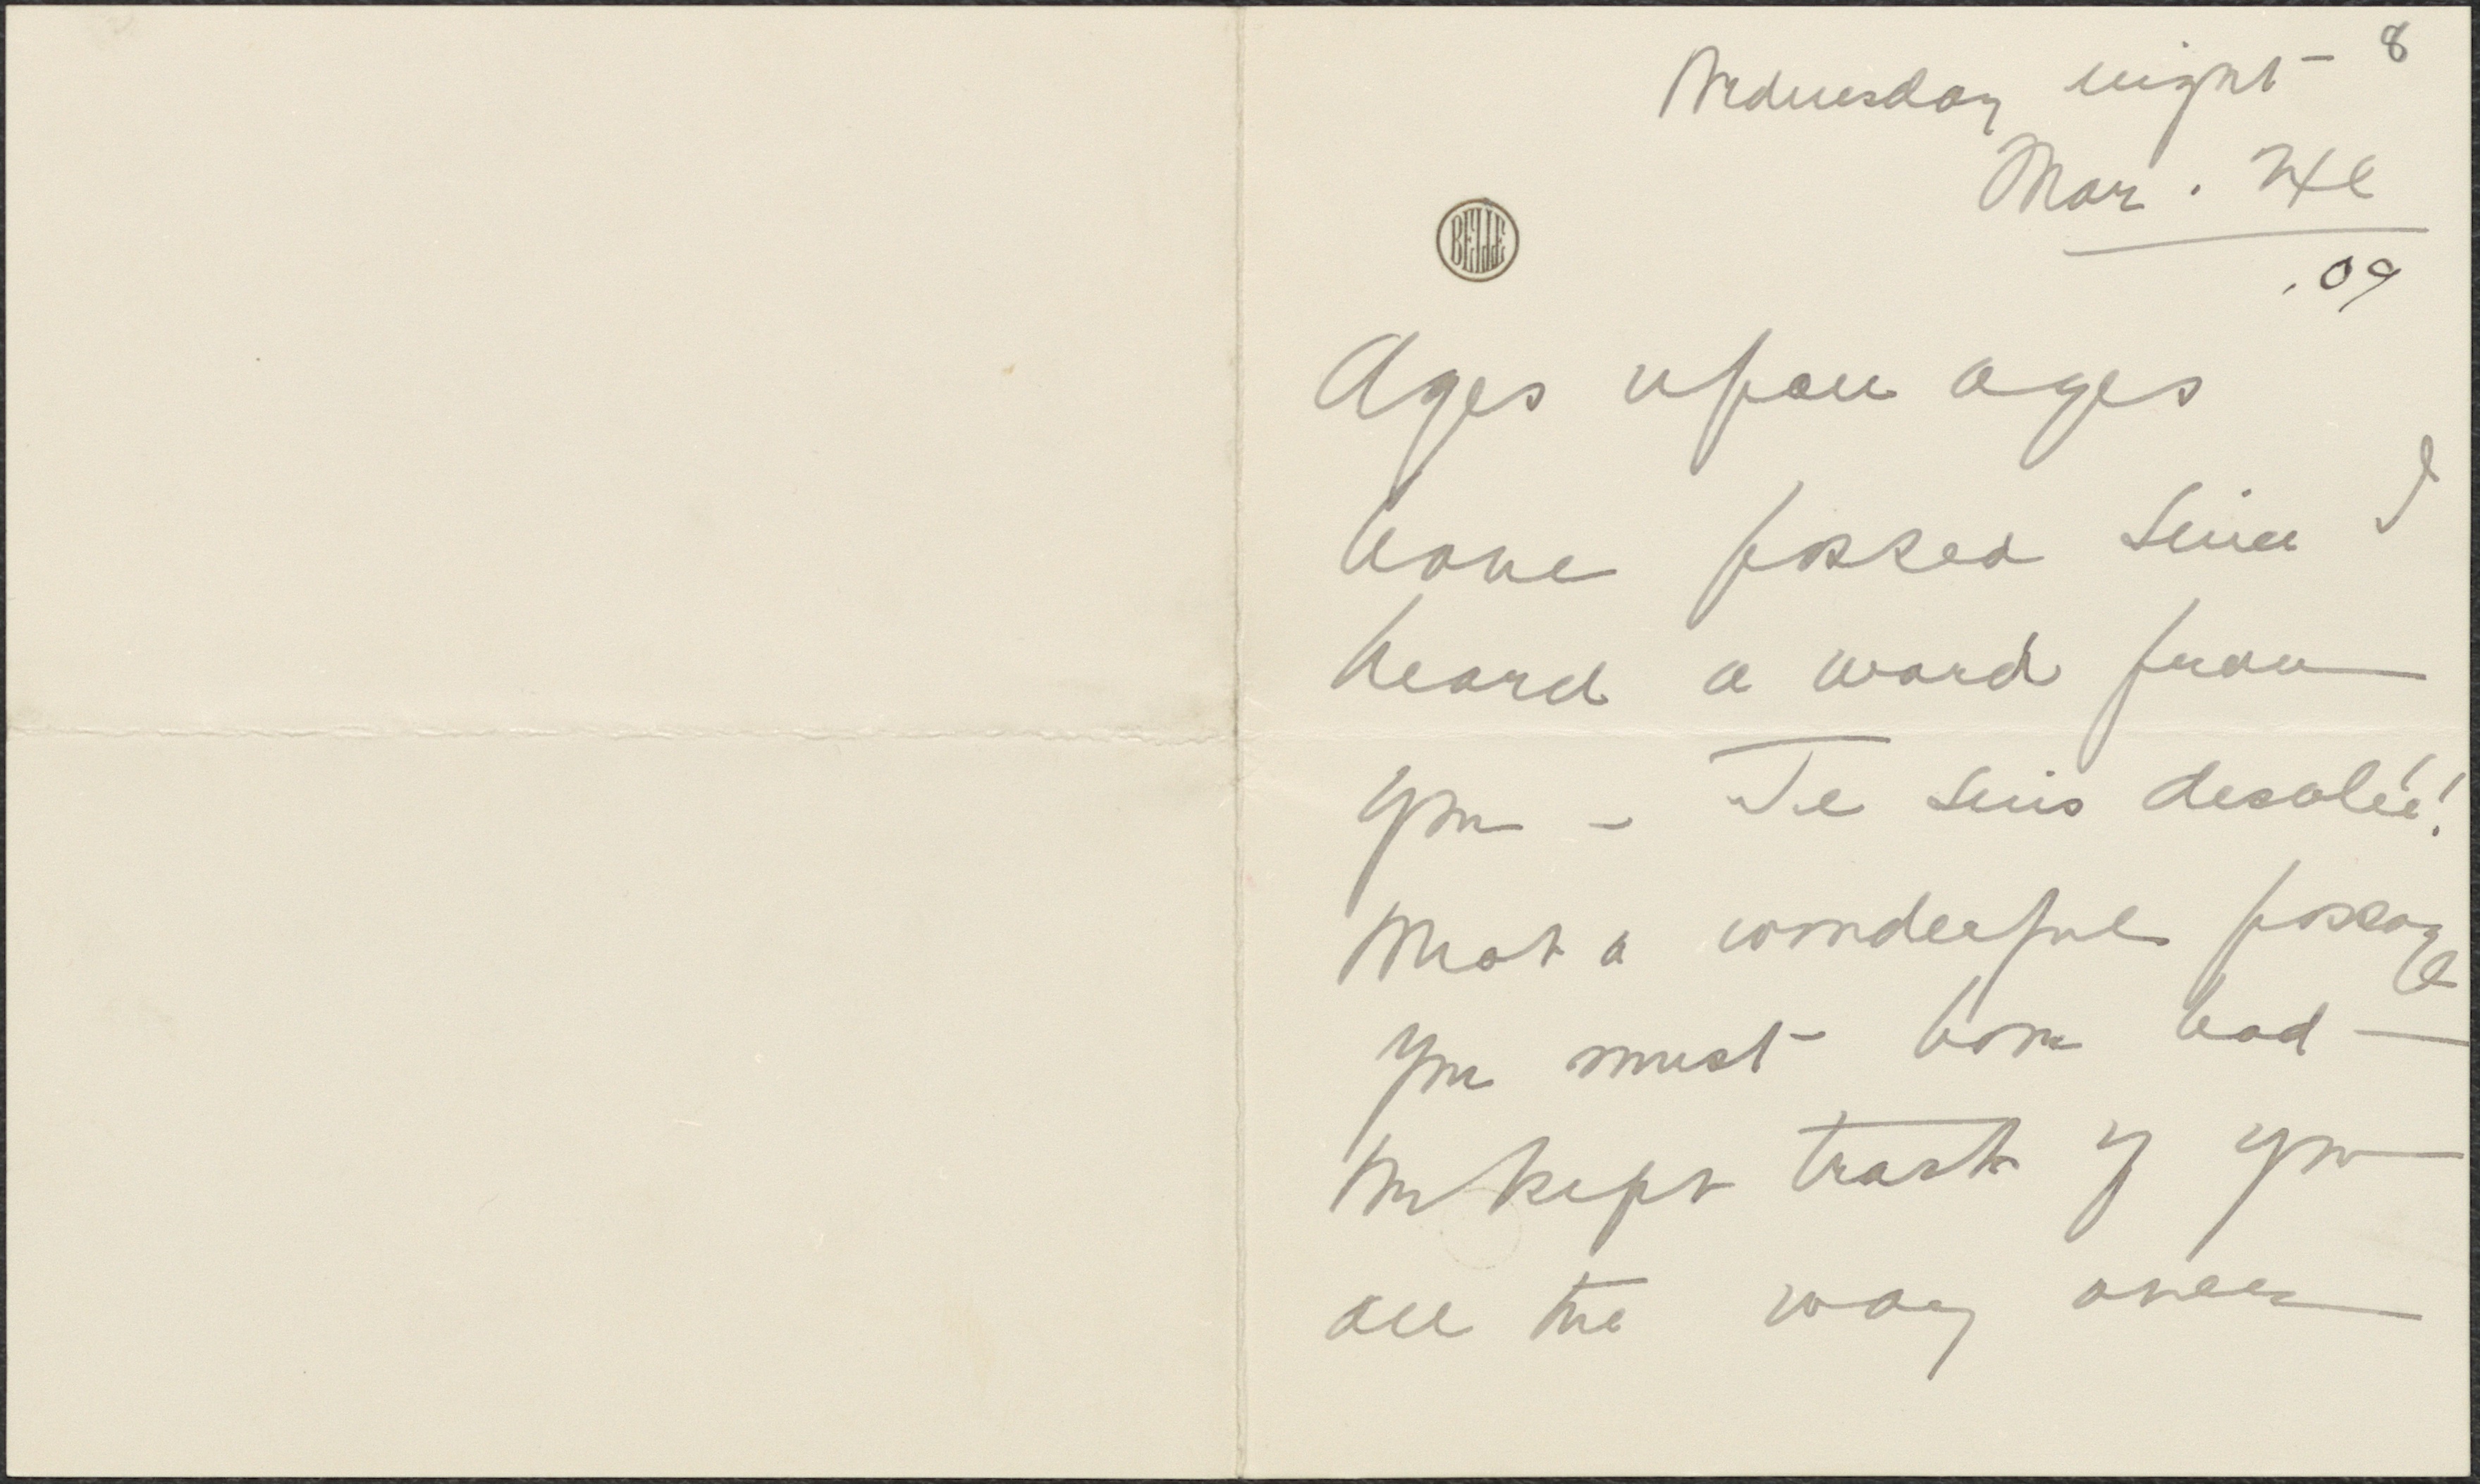Wednesday night
Mar. 24
Ages upon ages have passed since I heard a word from you – Je suis desolée! What a wonderful passage you must have had – We kept track of you all the way over